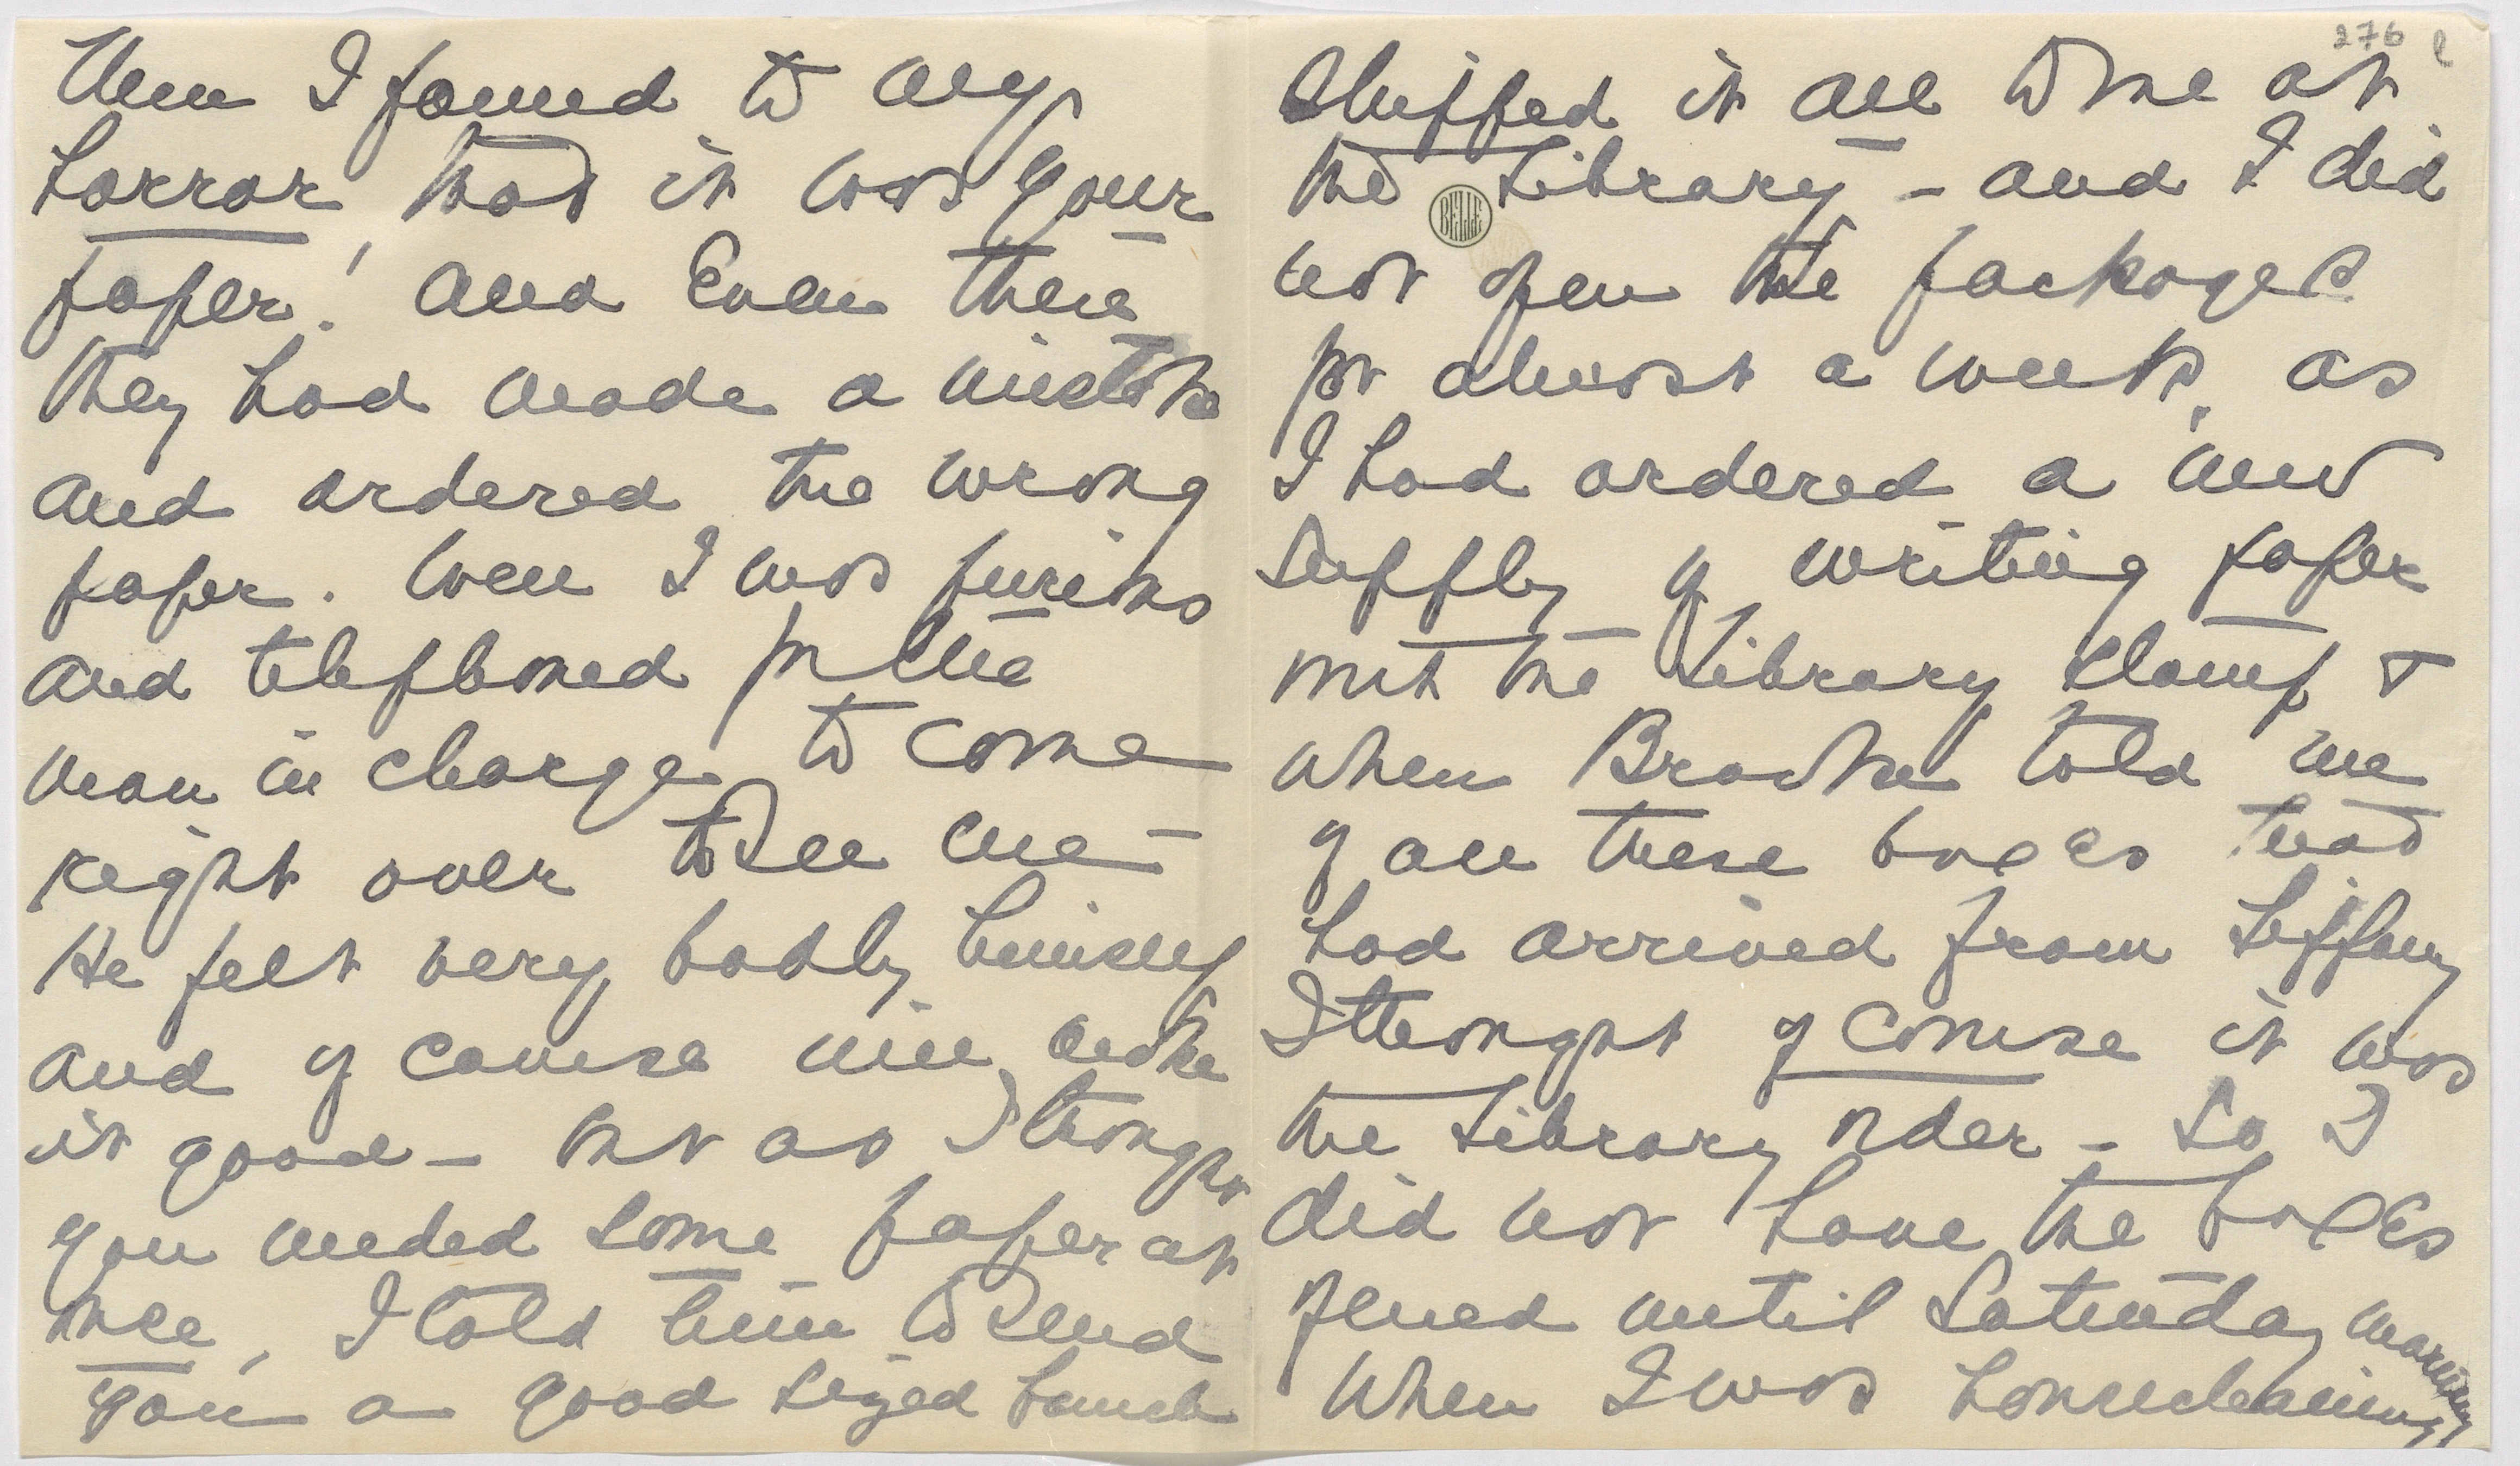shipped it all to me at the Library – and I did not open the packages for almost a week, as I had ordered a new supply of writing paper with the Library stamp & when Brooke told me of all these boxes that had arrived from Tiffany I thought of course it was the Library order – So I did not have the boxes opened until Saturday morning when I was housecleaning
There I found to my horror that it was your paper! And even there they had made a mistake and ordered the wrong paper. Well I was furious and telephoned for the man in charge to come right over to see me – He felt very badly himself and of course will make it good – but as I thought you needed some paper at once, I told him to send you a good sized bunch